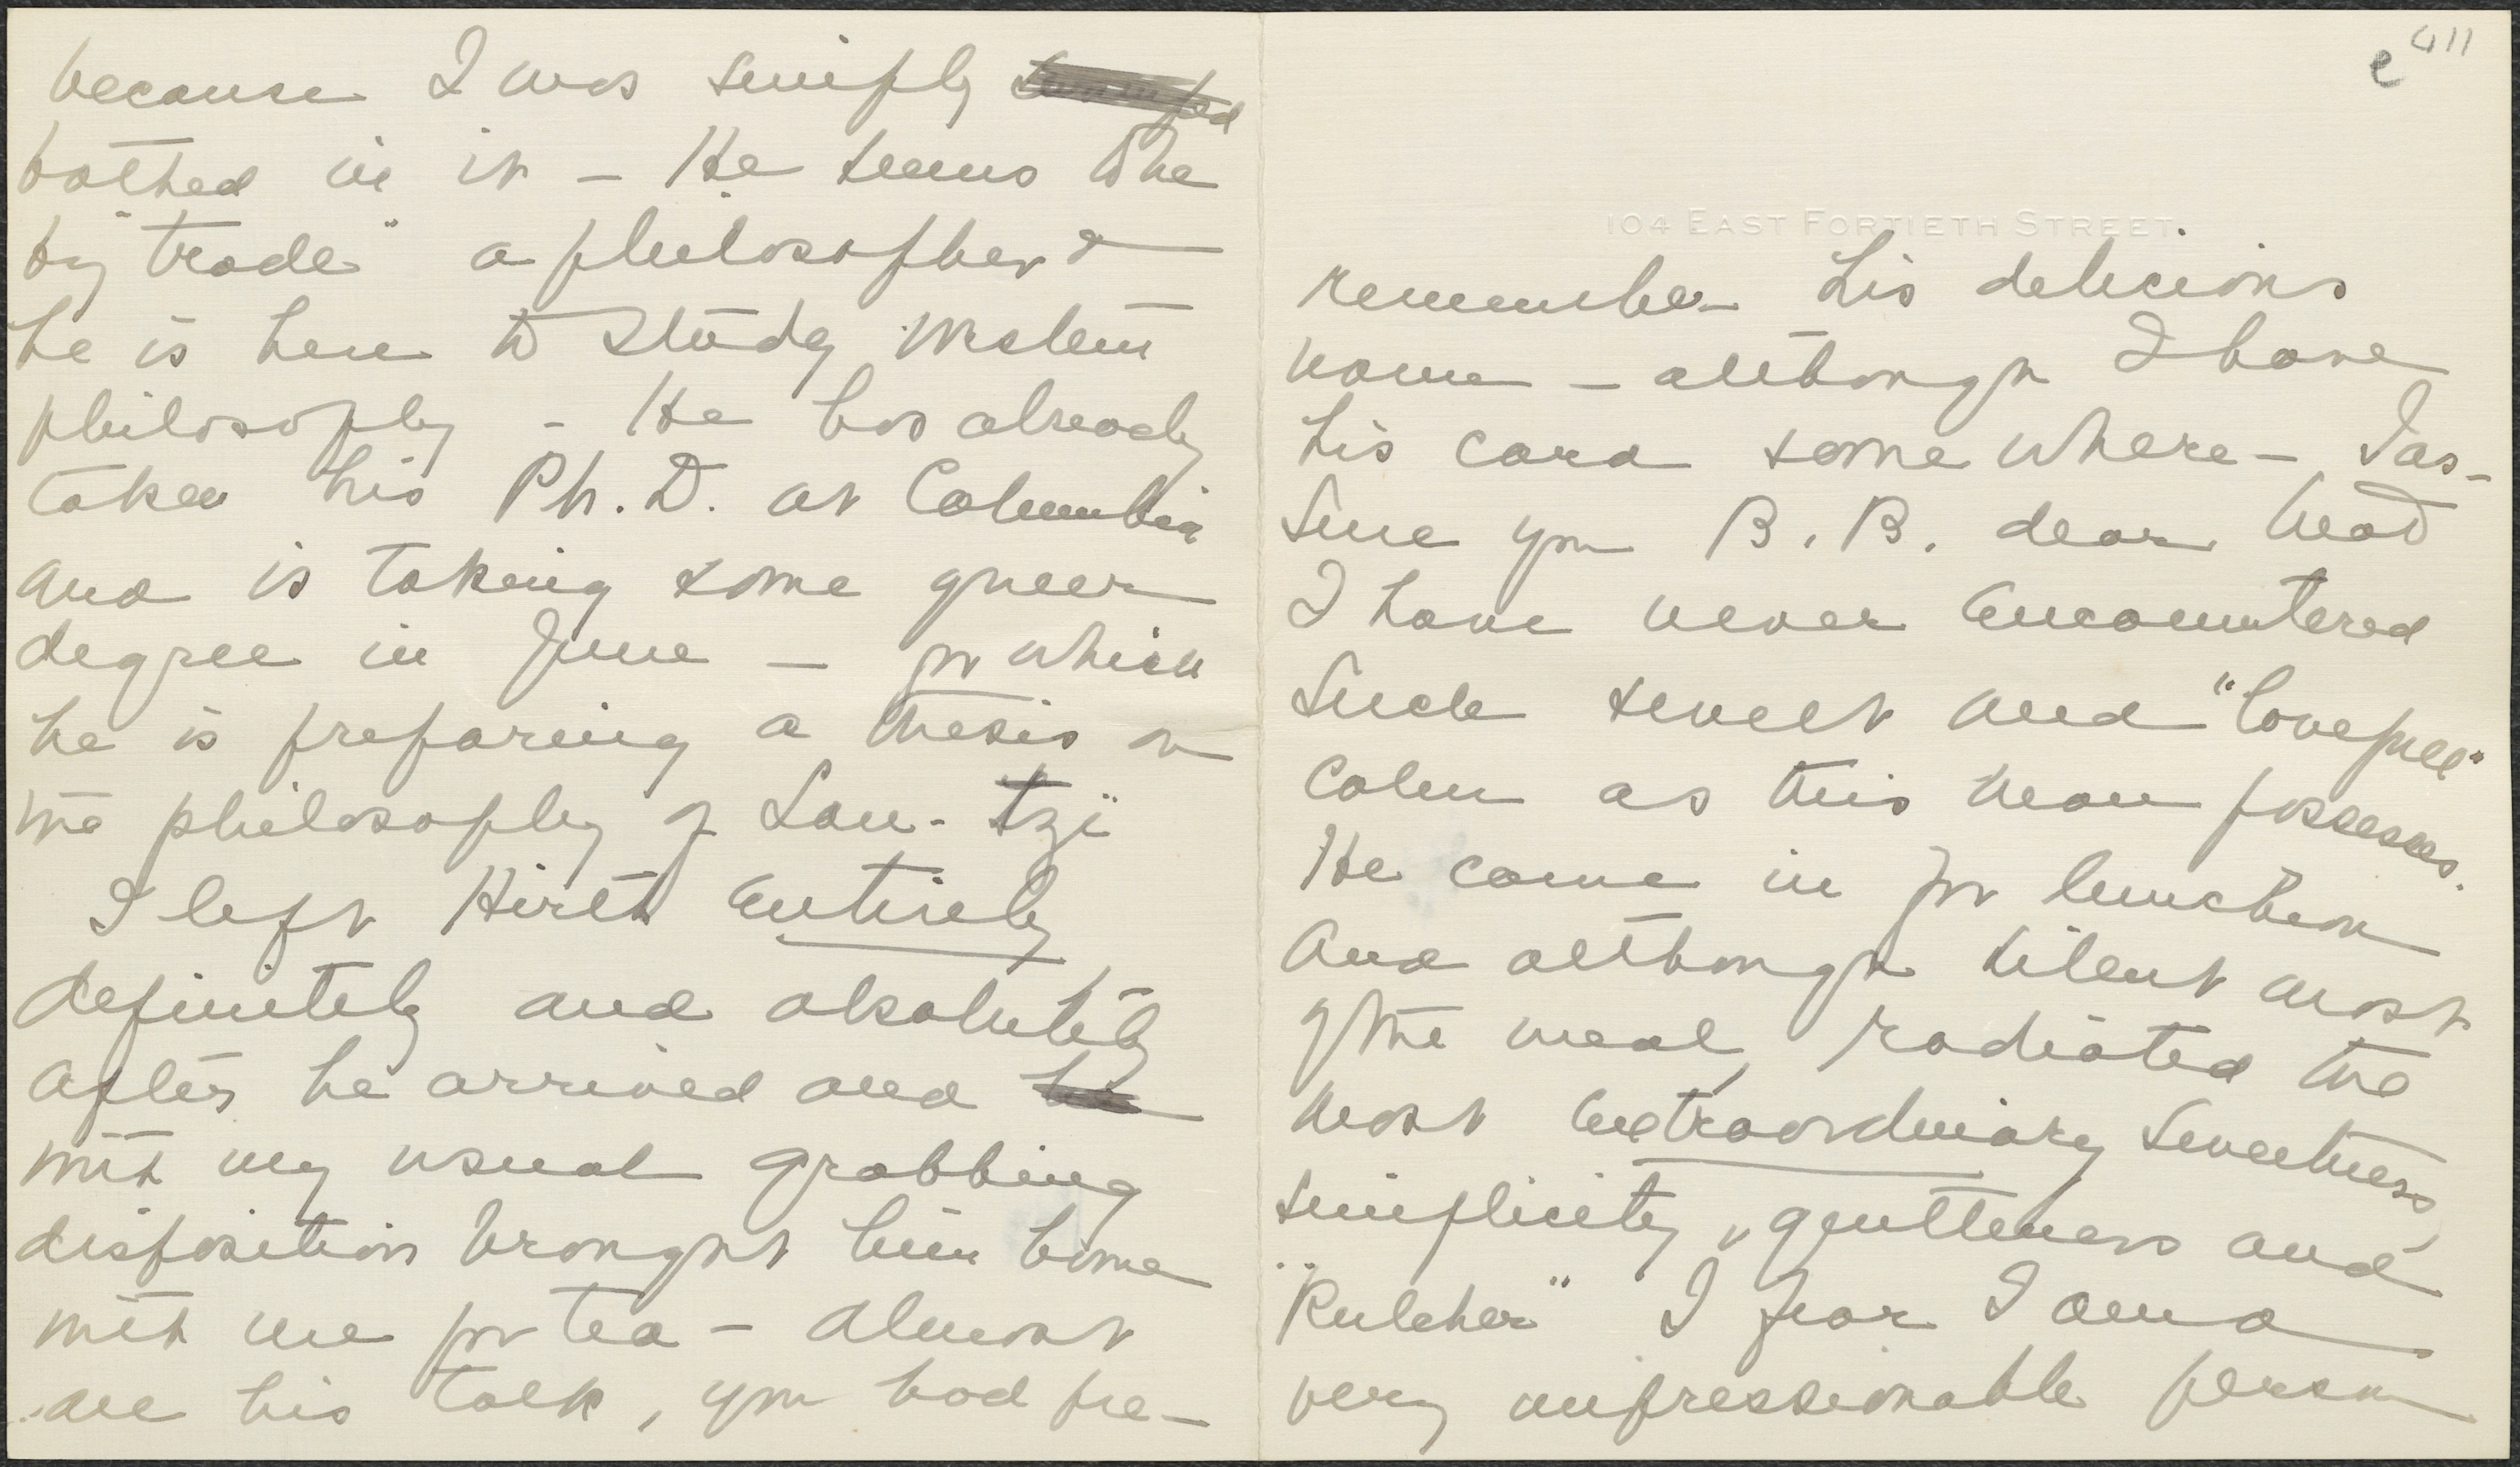remember his delicious name – although I have his card somewhere – I assure you B.B. dear that I have never encountered such sweet and “lovefull” calm as this man possesses. He came in for luncheon and although silent most of the meal, radiated the most extraordinary sweetness, simplicity, gentleness, and “kulcher” I fear I am a very impressionable person
because I was swiftly swamped bathed in it – He seems to be by “trade” a philosopher & he is here to study western philosophy – He has already taken his Ph.D. at Colombia and is taking some queer degree in June – for which he is preparing a thesis on the philosophy of San-Tzi I left Hirth entirely definitely and absolutely after he arrived and he with my usual grabbing disposition brought him home with me for tea – almost all his talk you had pre-